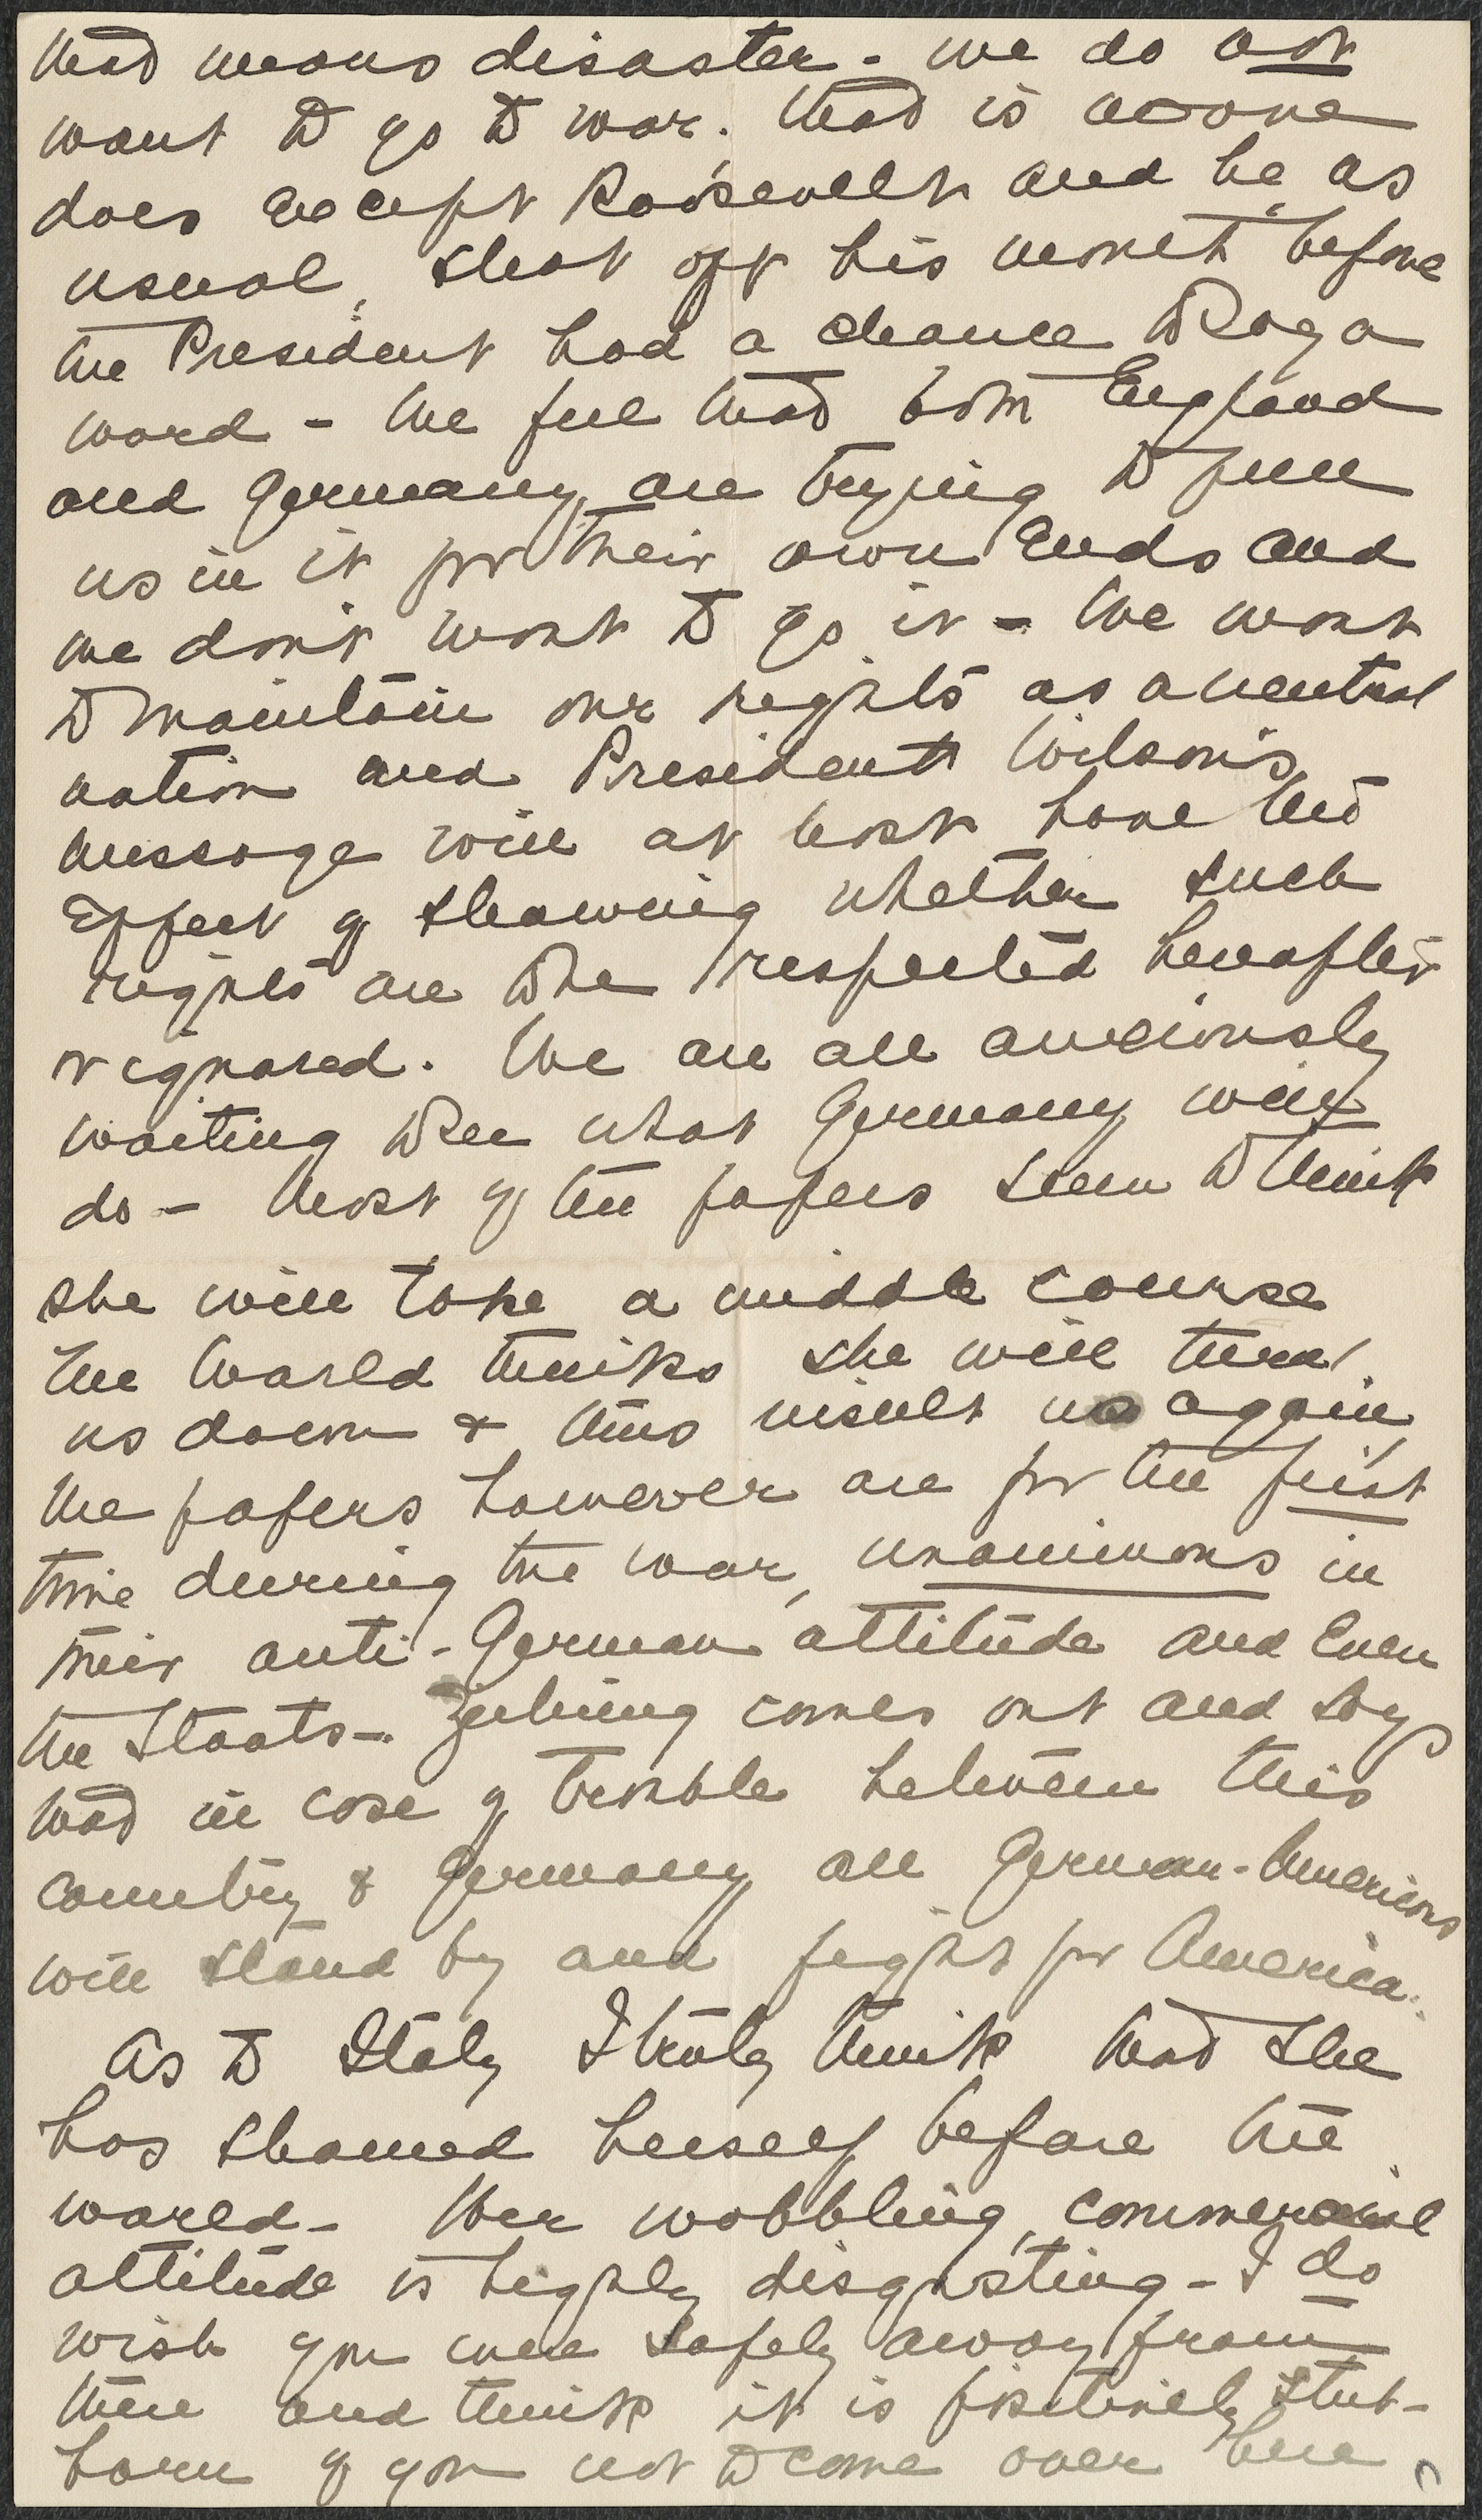that means disaster – we do not want to go to war. That is no one does except Roosevelt and he, as usual, shot off his mouth before the President had a chance to say a word – we feel that both England and Germany are trying to pull us in it for their own ends and we don’t want to go in – we want to maintain our rights as a neutral nation and President Wilson’s message will at last have that effect of showing whether such rights are to be respected hereafter or ignored. We are all anxiously waiting to see what Germany will do – most of the papers seem to think she will take a middle course the world thinks she will turn us down & thus insult us again the papers however are for the first time during the war, unanimous in their anti-German attitude and even the Stoats-Zeebring comes out and says that in case of trouble between this country & Germany all German-Americans will stand by and fight for America.
As to Italy I truly think that she has shamed herself before the world – Her wobbling commercial attitude is highly disgusting – I do wish you were safely away from there and think it is positively stubborn of you not to come over here